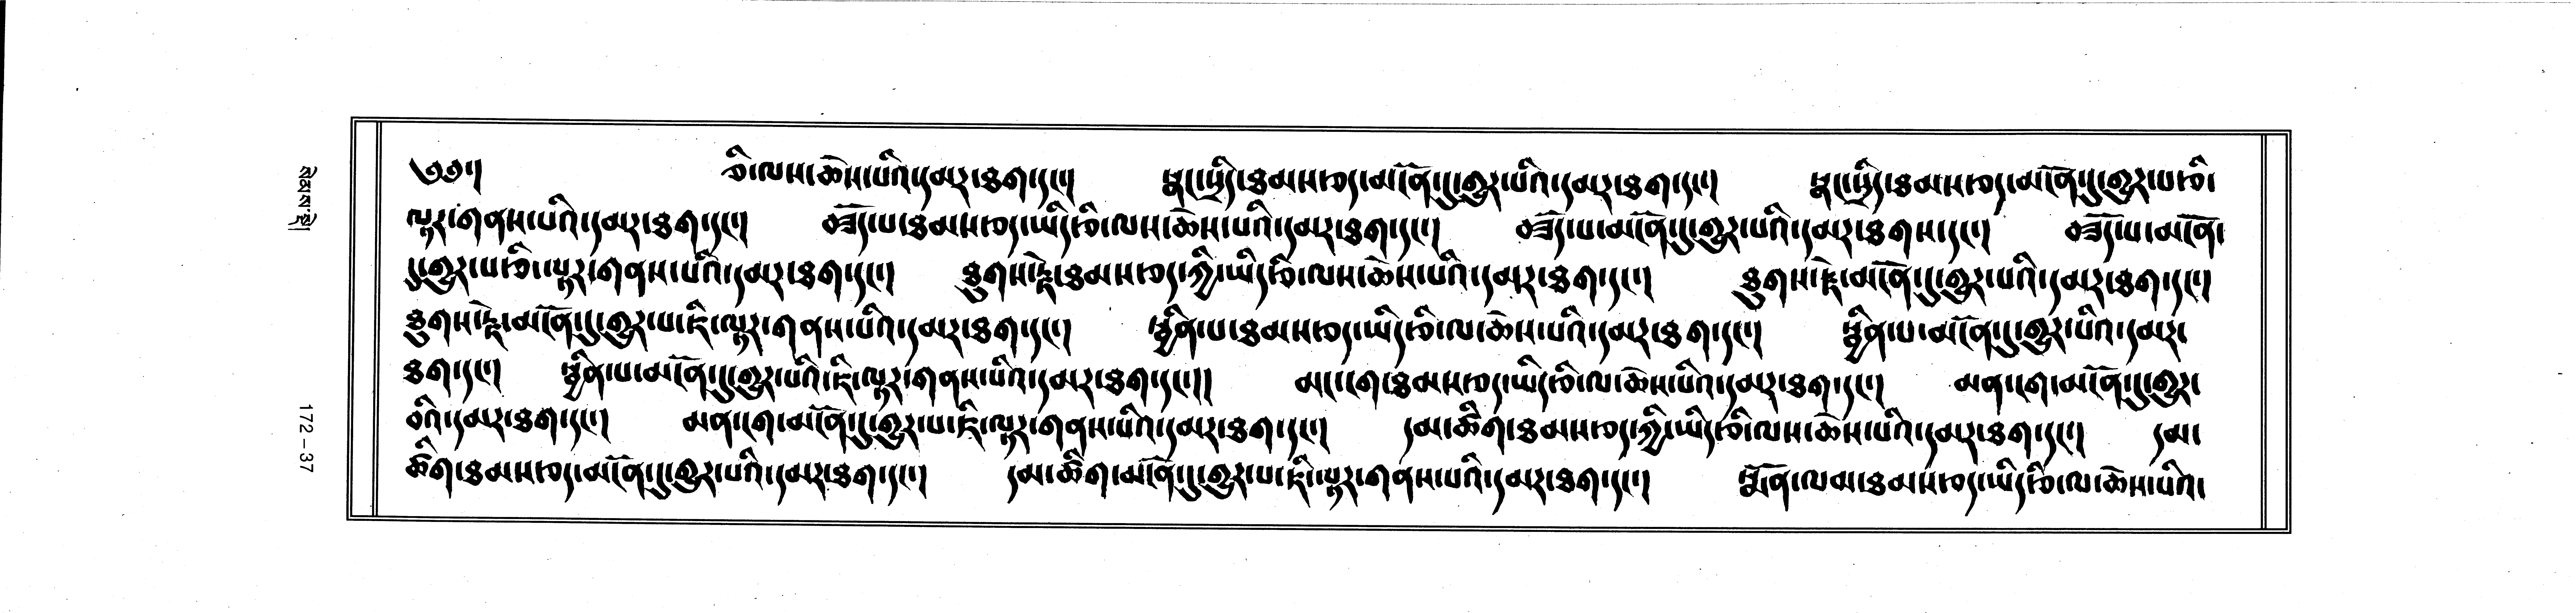ཅི་ལས་ཆེས་པའི་དམར་ཐག་དང་། སྣང་སྲིད་ཐམས་ཅད་མངོན་དུ་གྱུར་པའི་དམར་ཐག་དང་། སྣང་སྲིད་ཐམས་ཅད་མངོན་དུ་གྱུར་པ་ཅི་
ལྟར་གནས་པའི་དམར་ཐག་དང་། བཟོད་པ་ཐམས་ཅད་ཡིད་ཅི་ལས་ཆེས་པའི་དམར་ཐག་དང་། བཟོད་པ་མངོན་དུ་གྱུར་པའི་དམར་ཐག་དང་། བཟོད་པ་མངོན་
དུ་གྱུར་པ་ཅི་ལྟར་གནས་པའི་དམར་ཐག་དང། ཐུགས་རྗེ་ཐམས་ཅད་ཀྱི་ཡིད་ཅི་ལས་ཆེས་པའི་དམར་ཐག་དང་། ཐུགས་རྗེ་མངོན་དུ་གྱུར་པའི་དམར་ཐག་དང་། 
ཐུགས་རྗེ་མངོན་དུ་གྱུར་པ་ཇི་ལྟར་གནས་པའི་དམར་ཐག་དང་། སྦྱིན་པ་ཐམས་ཅད་ཡིད་ཅི་ལ་ཆེས་པའི་དམར་ཐག་དང་། སྦྱིན་པ་མངོན་དུ་གྱུར་པའི་དམར་
ཐག་དང་། སྦྱིན་པ་མངོན་དུ་གྱུར་པའི་ཇི་ལྟར་གནས་པའི་དམར་ཐག་དང་། མན་ངག་ཐམས་ཅད་ཡིད་ཅི་ལ་ཆེས་པའི་དམར་ཐག་དང་། མན་ངག་མངོན་དུ་གྱུར་
བའི་དམར་ཐག་དང་། མན་ངག་མངོན་དུ་གྱུར་པ་ཇི་ལྟར་གནས་པའི་དམར་ཐག་དང་། དམ་ཚིག་ཐམས་ཅད་ཀྱི་ཡིད་ཅི་ལས་ཆེས་པའི་དམར་ཐག་དང་། དམ་
ཚིག་ཐམས་ཅད་མངོན་དུ་གྱུར་པའི་དམར་ཐག་དང་། དམ་ཚིག་མངོན་དུ་གྱུར་པ་ཇི་ལྟར་གནས་པའི་དམར་ཐག་དང་། སྨོན་ལམ་ཐམས་ཅད་ཡིད་ཅི་ལ་ཆེས་པའི་